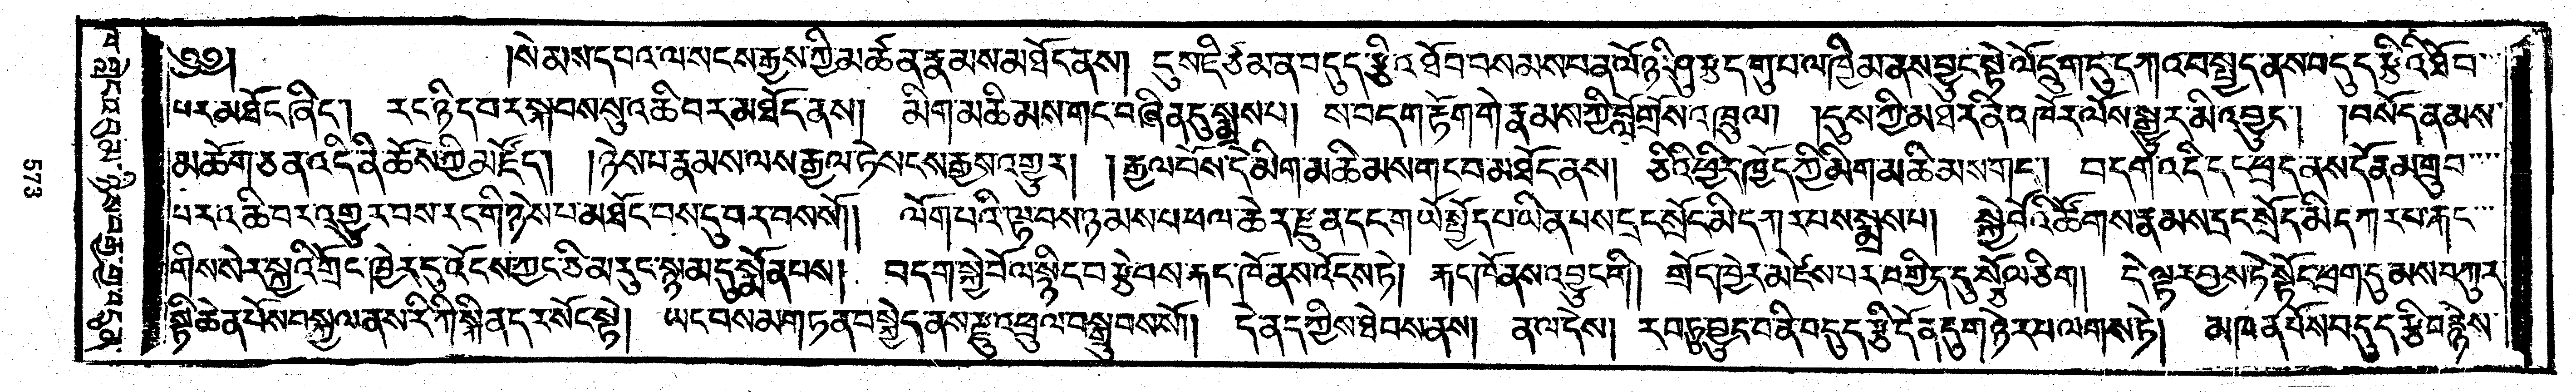༄༅། །སེམས་དཔའ་ལ་སངས་རྒྱས་ཀྱི་མཚན་རྣམས་མཐོང་ནས། དུས་ཇི་ཙམ་ན་བདུད་རྩི་འཐོབ་བསམས་པ་ན་ལོ་ཉི་ཤུ་རྩ་དགུ་པ་ལ་ཁྱིམ་ནས་བྱུང་སྟེ་ལོ་དྲུག་དུ་དཀའ་བ་སྤྱད་ནས་བདུད་རྩིའི་ཐོབ་
པར་མཐོང་ཞིང་། རང་ཉིད་བར་སྐབས་སུ་འཆི་བར་མཐོང་ནས། མིག་མཆིམས་གང་བཞིན་དུ་སྨྲས་པ། ས་བདག་རྟོག་གེ་རྣམས་ཀྱི་བློ་གྲོས་འཁྲུལ། །དུས་ཀྱི་མཐར་ནི་འཁོར་ལོས་སྒྱུར་མི་འབྱུང་། །བསོད་ནམས་
མཆོག་ཅན་འདི་ནི་ཆོས་ཀྱི་མཛོད། །ཉེས་པ་རྣམས་ལས་རྒྱལ་ཏེ་སངས་རྒྱས་འགྱུར། །རྒྱལ་པོས་དེ་མིག་མཆིམས་གང་བ་མཐོང་ནས། ཅིའི་ཕྱིར་ཁྱོད་ཀྱི་མིག་མཆིམས་གང་། བདག་འདི་དང་ཕྲད་ནས་དོན་མ་གྲུབ་
པར་འཆི་བར་འགྱུར་བས་རང་གི་ཉེས་པ་མཐོང་བས་དུ་བར་བས་སོ།། ལོག་པའི་ལྟ་བས་ཉམས་པ་ཕལ་ཆེར་རྫུན་དང་གཡོ་སྤྱོད་པ་ཡིན་པས་དྲང་སྲོང་མི་དཀར་པས་སྨྲས་པ། སྐྱེ་བོའི་ཚོགས་རྣམས་དྲང་སྲོང་མི་དཀར་པ་རྐང་
གིས་སེར་སྐྱའི་གྲོང་ཁྱེར་དུ་འོངས་ཀྱང་ཅི་མ་རུང་སྙམ་དུ་སྨོན་པས། བདག་སྐྱེ་བོ་ལ་སྙིང་བརྩེ་བས་རྐང་ཁོ་ནས་འོངས་ཏེ། རྐང་ཁོ་ནས་འབྱུང་གི། གྲོང་ཁྱེར་མཛེས་པར་བགྱིད་དུ་སྩོལ་ཅིག། དེ་ལྟར་བྱས་ཏེ་སྟོང་ཕྲག་དུ་མས་བཀུར་
སྟི་ཆེན་པོས་བསྐྱལ་ནས་རི་ཀི་སྐིན་དར་སོང་སྟེ། ཡང་བསམ་གཏན་བསྐྱེད་ནས་རྫུ་འཕྲུལ་བསྒྲུབས་སོ།། དེ་ནད་ཀྱིས་ཐེབས་ནས། ན་ལ་དེས། རབ་ཏུ་བྱུང་བ་ནི་བདུད་རྩི་དོན་དུ་གཉེར་པ་ལགས་ཏེ། མཁན་པོས་བདུད་རྩི་བརྙེས་